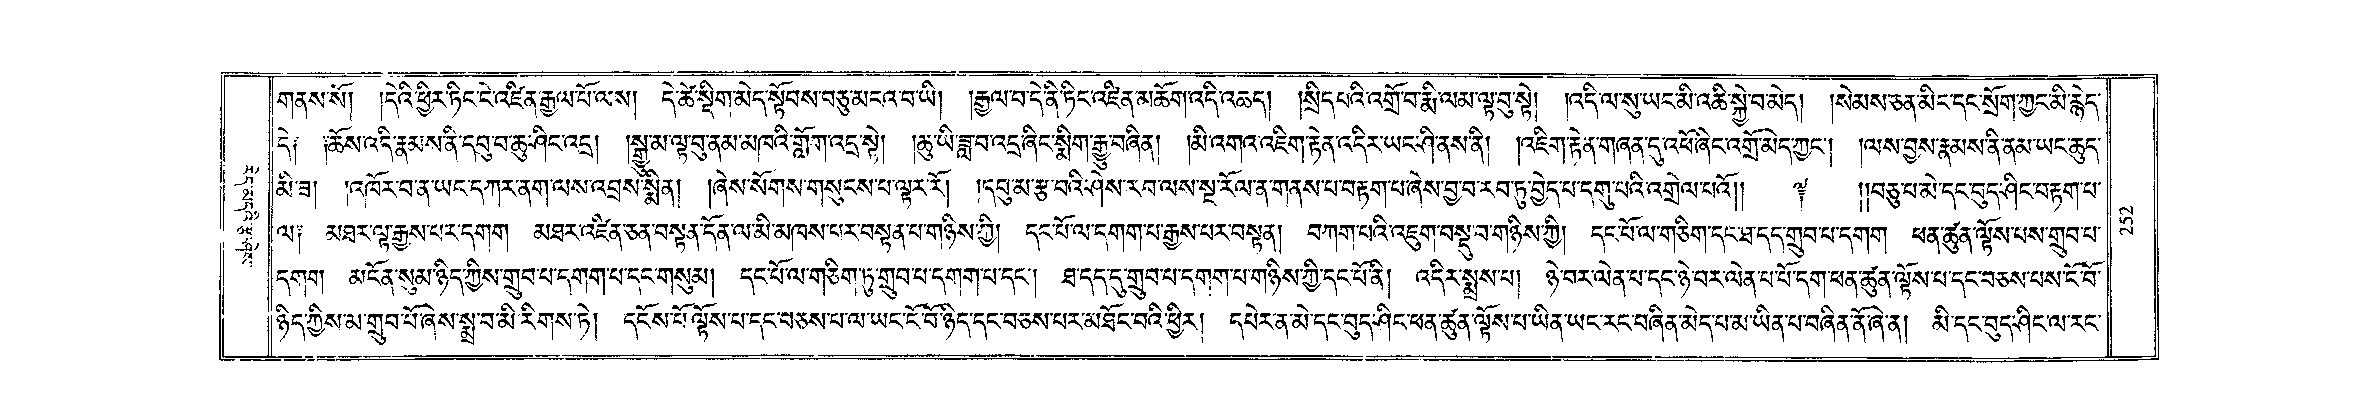གནས་སོ། །དེའི་ཕྱིར་ཏིང་ངེ་འཛིན་རྒྱལ་པོ་ལས། དེ་ཚེ་སྡིག་མེད་སྟོབས་བཅུ་མངའ་བ་ཡི། །རྒྱལ་བ་དེ་ནི་ཏིང་འཛིན་མཆོག་འདི་འཆད། །སྲིད་པའི་འགྲོ་བ་རྨི་ལམ་ལྟ་བུ་སྟེ། །འདི་ལ་སུ་ཡང་མི་འཆི་སྐྱེ་བ་མེད། །སེམས་ཅན་མིང་དང་སྲོག་ཀྱང་མི་རྙེད་
དེ༑ ༑ཆོས་འདི་རྣམས་ནི་དབུ་བ་ཆུ་ཤིང་འདྲ། །སྒྱུ་མ་ལྟ་བུ་ནམ་མཁའི་གློག་འདྲ་སྟེ། །ཆུ་ཡི་ཟླ་བ་འདྲ་ཞིང་སྨིག་རྒྱུ་བཞིན། །མི་འགའ་འཇིག་རྟེན་འདིར་ཡང་ཤི་ནས་ནི། །འཇིག་རྟེན་གཞན་དུ་འཕོ་ཞིང་འགྲོ་མེད་ཀྱང་། །ལས་བྱས་རྣམས་ནི་ནམ་ཡང་ཆུད་
མི་ཟ། །འཁོར་བ་ན་ཡང་དཀར་ནག་ལས་འབྲས་སྨིན། །ཞེས་སོགས་གསུངས་པ་ལྟར་རོ། །དབུ་མ་རྩ་བའི་ཤེས་རབ་ལས་སྔ་རོལ་ན་གནས་པ་བརྟག་པ་ཞེས་བྱ་བ་རབ་ཏུ་བྱེད་པ་དགུ་པའི་འགྲེལ་པའོ།། ༈ །།བཅུ་པ་མེ་དང་བུད་ཤིང་བརྟག་པ་
ལ༑ མཐར་ལྟ་རྒྱས་པར་དགག་མཐར་འཛིན་ཅན་བསྟན་དོན་ལ་མི་མཁས་པར་བསྟན་པ་གཉིས་ཀྱི། དང་པོ་ལ་དགག་པ་རྒྱས་པར་བསྟན། བཀག་པའི་འཇུག་བསྡུ་བ་གཉིས་ཀྱི། དང་པོ་ལ་གཅིག་དང་ཐ་དད་གྲུབ་པ་དགག་ཕན་ཚུན་ལྟོས་པས་གྲུབ་པ་
དགག་མངོན་སུམ་ཉིད་ཀྱིས་གྲུབ་པ་དགག་པ་དང་གསུམ། དང་པོ་ལ་གཅིག་ཏུ་གྲུབ་པ་དགག་པ་དང་། ཐ་དད་དུ་གྲུབ་པ་དགག་པ་གཉིས་ཀྱི་དང་པོ་ནི། འདིར་སྨྲས་པ། ཉེ་བར་ལེན་པ་དང་ཉེ་བར་ལེན་པ་པོ་དག་ཕན་ཚུན་ལྟོས་པ་དང་བཅས་པས་ངོ་བོ་
ཉིད་ཀྱིས་མ་གྲུབ་པོ་ཞེས་སྨྲ་བ་མི་རིགས་ཏེ། དངོས་པོ་ལྟོས་པ་དང་བཅས་པ་ལ་ཡང་ངོ་བོ་ཉིད་དང་བཅས་པར་མཐོང་བའི་ཕྱིར། དཔེར་ན་མེ་དང་བུད་ཤིང་ཕན་ཚུན་ལྟོས་པ་ཡིན་ཡང་རང་བཞིན་མེད་པ་མ་ཡིན་པ་བཞིན་ནོ་ཞེ་ན། མི་དང་བུད་ཤིང་ལ་རང་